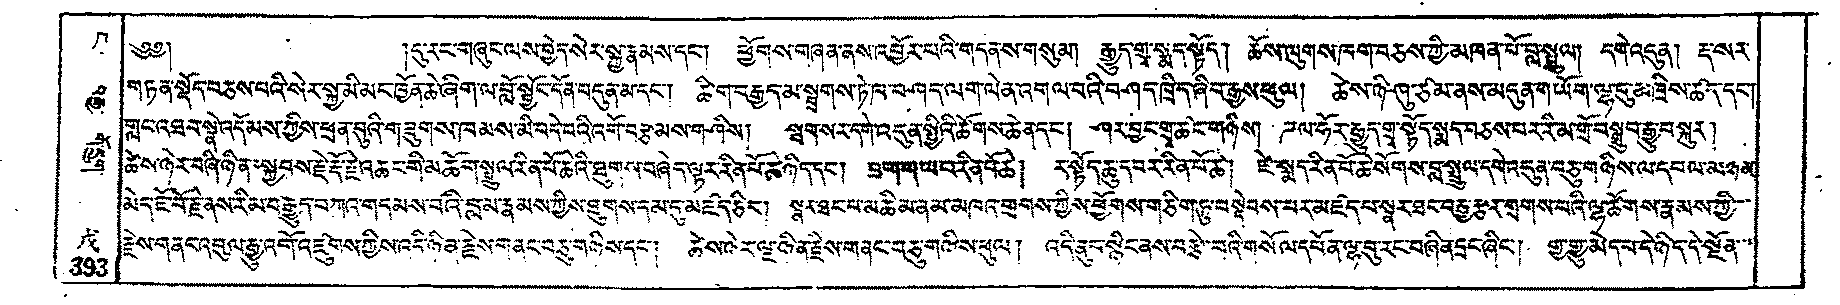༄༅། །དུ་རང་གཞུང་ལས་བྱེད་སེར་སྐྱ་རྣམས་དང་། ཕྱོགས་གཞན་ནས་འབྱོར་པའི་གདན་ས་གསུམ། རྒྱུད་གྲྭ་སྨད་སྟོད། ཆོས་ལུགས་ཁག་བཅས་ཀྱི་མཁན་པོ་བླ་སྤྲུལ། དགེ་འདུན། རྡ་སར་
གཏན་སྡོད་བཅས་པའི་སེར་སྐྱ་མི་མང་ཁྱོན་ཆེ་ཞིག་ལ་བློ་སྦྱོང་དོན་བདུན་མ་དང་། ཚིག་བརྒྱད་མ་སྦྲགས་ཏེ་ཁ་བཤད་ལག་ལེན་འགལ་བའི་བཤད་ཁྲིད་ཞིབ་རྒྱས་ཕུལ། ཚེས་ཉི་ཤུ་ཙམ་ནས་མདུན་གཡོག་ལྷ་བུ་མཁྲིས་ཚད་དང་།
གླང་འཐབ་སྣེ་འདོམས་ཀྱིས་ཕྲན་བུའི་གཟུགས་ཁམས་མི་བདེ་བའི་འགོ་བརྩམས་གཤིས། སྦག་སར་དགེ་འདུན་སྤྱིའི་ཚོགས་ཆེན་དང་། ཤར་བྱང་གྲྭ་ཚང་གཉིས། ཌལ་ཧོར་རྒྱུད་གྲྭ་སྟོད་སྨད་བཅས་པར་རིམ་གྲོ་བསྒྲུབ་རྒྱུ་བསྐུར།
ཚེས་ཉེར་བཞི་ཉིན་༧སྐྱབས་རྗེ་རྡོ་རྗེ་འཆང་གི་མཆོག་སྤྲུལ་རིན་པོ་ཆེའི་ཐུགས་བཞེད་ལྟར་རིན་པོ་ཆེ་ཉིད་དང་། བྲག་གཡབ་རིན་པོ་ཆེ། ར་སྟོད་ཆུ་དབར་རིན་པོ་ཆེ། ཛེ་སྨད་རིན་པོ་ཆེ་སོགས་བླ་སྤྲུལ་དགེ་འདུན་བཅུ་གཉིས་ལ་དཔལ་མཉམ་
མེད་ཇོ་བོ་རྗེ་ནས་རིམ་བརྒྱུད་བཀའ་གདམས་པའི་བླ་མ་རྣམས་ཀྱིས་ཐུགས་དམ་དུ་མཛད་ཅིང་། སྣར་ཐང་པ་མཆིམ་ནམ་མཁའ་གྲགས་ཀྱིས་ཕྱོགས་གཅིག་ཏུ་བསྡེབས་པར་མཛད་པ་སྣར་ཐང་བརྒྱ་རྩར་གྲགས་པའི་ལྷ་ཚོགས་རྣམས་ཀྱི་
རྗེས་གནང་འབུལ་རྒྱུ་འགོ་འཛུགས་ཀྱིས་འདི་ཉིན་རྗེས་གནང་བཅུ་གཉིས་དང་། ཚེས་ཉེར་ལྔ་ཉིན་རྗེས་གནང་བཅུ་གཉིས་ཕུལ། འདི་ནུབ་སྙིང་ནས་བརྩེ་བའི་གསོལ་དཔོན་ལྷ་བུ་རང་བཞིན་དྲང་ཞིང་། གྱ་གྱུ་མེད་པ་དེ་ཉིད་དེ་སྔོན་